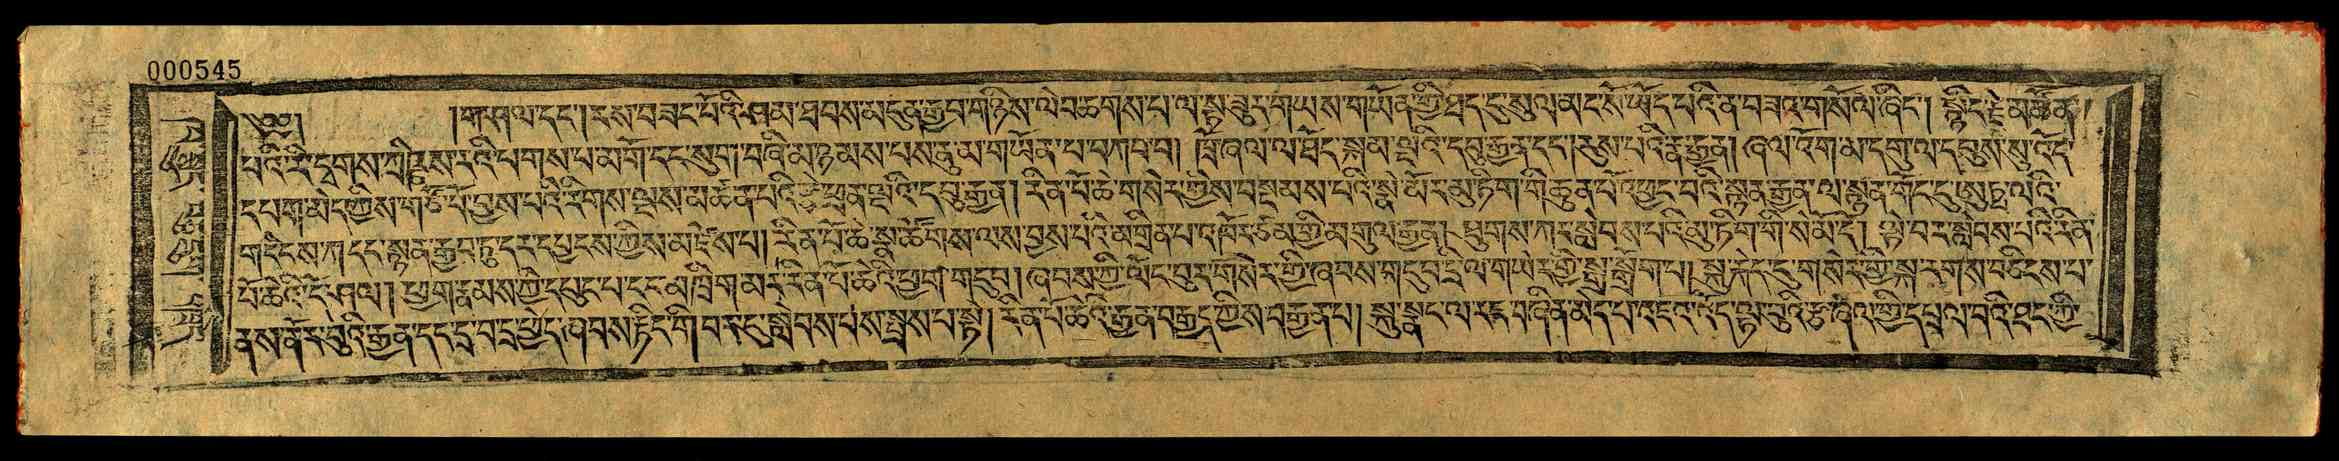༄༅། །གཤལ་དང་། རས་བཟང་པོའི་ཤམ་ཐབས་མདུན་རྒྱབ་གཉིས་ལེབ་ཆགས་པ་ལ་སྟ་ཟུར་གཡས་གཡོན་གྱི་ཐང་དུ་སུལ་མང་པོ་ཡོད་པའི་ན་བཟའ་གསོལ་ཞིང་། སྙིང་རྗེ་མཚོན་
པའི་རི་དྭགས་ཀྲྀཥྞ་ས་རའི་པགས་པ་མགོ་དང་སུག་བཞི་མ་ཉམས་པས་ནུ་མ་གཡོན་པ་བཀབ་པ། ཁྲོ་ཞལ་ལ་ཐོད་སྐམ་ལྔའི་དབུ་རྒྱན་དང་། རུས་པའི་རྣ་རྒྱན། ཞལ་འོག་མ་དགུ་ལ་དབུས་སུ་འོད་
དཔག་མེད་ཀྱིས་གཙོ་བོ་བྱས་པའི་རིགས་ལྔས་མཚན་པའི་རྩེ་ཕྲན་ལྔའི་དབུ་རྒྱན། རིན་པོ་ཆེ་གསེར་གྱིས་བསྡམས་པའི་སྣེ་མོར་མུ་ཏིག་གི་ཆུན་པོ་འཕྱང་བའི་སྙན་རྒྱན་ལ་སྙན་གོང་དུ་ཨུཏྤ་ལའི་
གདེངས་ཀ་དང་སྙན་རྒྱབ་ཏུ་དར་དཔྱངས་ཀྱིས་མཛེས་པ། རིན་པོ་ཆེ་སྣ་ཚོགས་ལས་བྱས་པའི་མགྲིན་པ་འཁོར་ཙམ་གྱི་མགུལ་རྒྱན། ཐུགས་ཀར་སླེབས་པའི་མུ་ཏིག་གི་སེ་མོ་དོ། ལྟེ་བར་སླེབས་པའི་རིན་
པོ་ཆེའི་དོ་ཤལ། ཕྱག་རྣམས་ཀྱི་དཔུང་པ་དང་མཁྲིག་མར་རིན་པོ་ཆེའི་ཕྱག་གདུབ། ཞབས་ཀྱི་ལོང་བུར་གསེར་གྱི་ཞབས་གདུབ་དྲིལ་གཡེར་གྱི་སྒྲ་སྒྲོག་པ། སྐུ་རྐེད་དུ་གསེར་གྱི་སྐ་རགས་བཅིངས་པ་
ནས་ནོར་བུའི་རྒྱན་དང་དྲ་བ་དྲ་ཕྱེད་ཞབས་རྟིང་གི་བར་དུ་སླེབས་པས་སྤྲས་པ་སྟེ། རིན་པོ་ཆེའི་རྒྱན་བརྒྱད་ཀྱིས་བརྒྱན་པ། སྐུ་སྣང་ལ་རང་བཞིན་མེད་པ་འཇའ་འོད་ལྟ་བུའི་རྩ་ཞལ་གྱི་དཔྲལ་བའི་ཐད་ཀྱི་